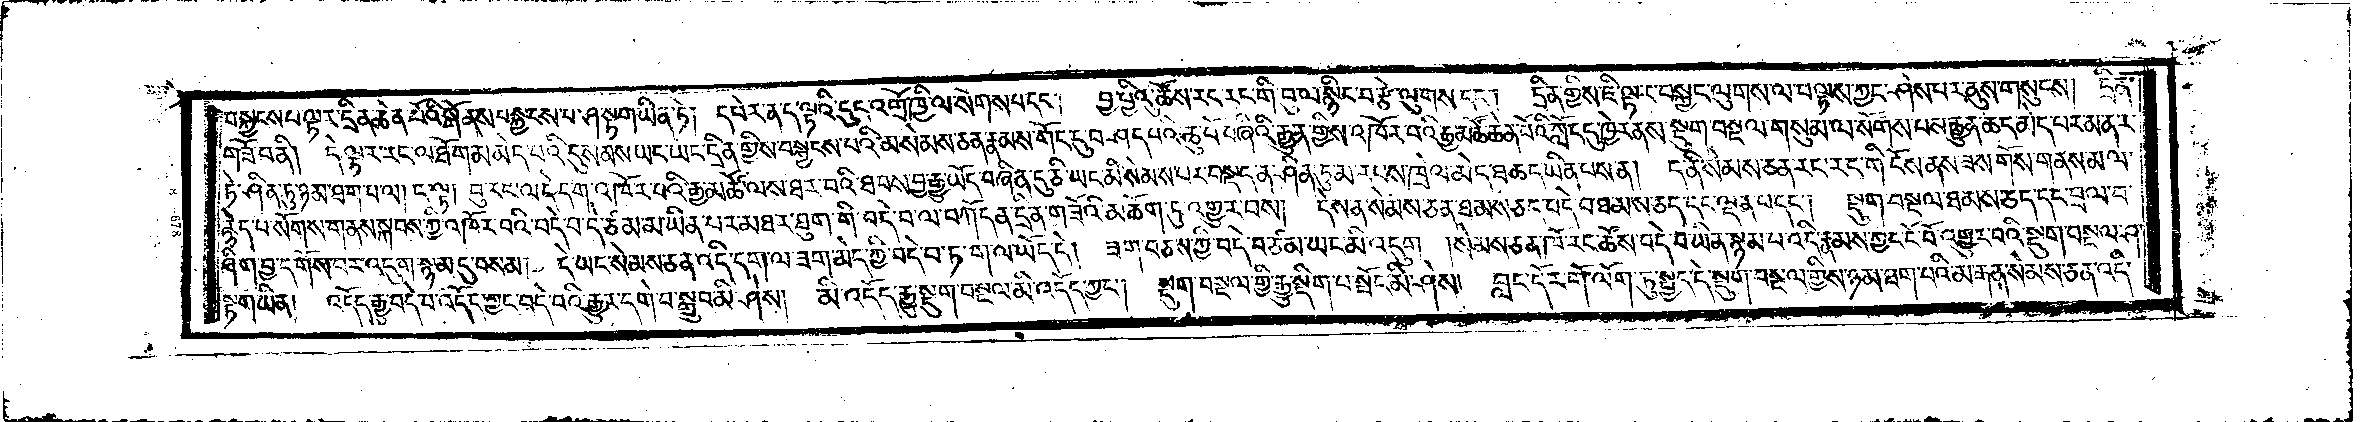བསྐྱངས་པ་ལྟར་དྲིན་ཆེན་པོའི་སྒོ་ནས་བསྐྱངས་པ་ཤ་སྟག་ཡིན་ཏེ། དཔེར་ན་ད་ལྟའི་དུད་འགྲོ་ཁྱི་ལ་སོགས་པ་དང་། བྱ་བྱིའུ་ཚོས་རང་རང་གི་བུ་ལ་སྙིང་བརྩེ་ལུགས་དང་། དྲིན་གྱིས་ཇི་ལྟར་བསྐྱང་ལུགས་ལ་བལྟས་ཀྱང་ཤེས་པར་ནུས་གསུངས། དྲིན་
གཟོ་བ་ནི། དེ་ལྟར་རང་ལ་ཐོག་མ་མེད་པའི་དུས་ནས་ཡང་ཡང་དྲིན་གྱིས་བསྐྱངས་པའི་མ་སེམས་ཅན་རྣམས་གོང་དུ་བཤད་པའི་ཆུ་བོ་བཞིའི་རྒྱུན་གྱིས་འཁོར་བའི་རྒྱ་མཚོ་ཆེན་པོའི་ཀློང་དུ་ཁྱེར་ནས་སྡུག་བསྔལ་གསུམ་ལ་སོགས་པས་རྒྱུན་ཆད་མེད་པར་མནར་
ཏེ་ཤིན་ཏུ་ཉམ་ཐག་པ་ལ། ད་ལྟ། བུ་རང་ལ་དེ་དག་འཁོར་བའི་རྒྱ་མཚོ་ལས་ཐར་བའི་ཐབས་བྱ་རྒྱུ་ཡོད་བཞིན་དུ་ཅི་ཡང་མི་སེམས་པར་བསྡད་ན་ཤིན་ཏུ་མ་རབས་ཁྲེལ་མེད་ཐ་ཆད་ཡིན་པས་ན། ད་ནི་སེམས་ཅན་རང་རང་གི་ངོས་ནས་ཟས་གོས་གནས་མལ་
རྙེད་པ་སོགས་གནས་སྐབས་ཀྱི་འཁོར་བའི་བདེ་བ་དེ་ཙམ་མ་ཡིན་པར་མཐར་ཐུག་གི་བདེ་བ་ལ་བཀོད་ན་དྲིན་གཟོའི་མཆོག་ཏུ་འགྱུར་བས། དེས་ན་སེམས་ཅན་ཐམས་ཅད་བདེ་བ་ཐམས་ཅད་དང་ལྡན་པ་དང་། སྡུག་བསྔལ་ཐམས་ཅད་དང་བྲལ་བ་
ཞིག་བྱ་དགོས་པར་འདུག་སྙམ་དུ་བསམ། དེ་ཡང་སེམས་ཅན་འདི་དག་ལ་ཟག་མེད་ཀྱི་བདེ་བ་ཏ་ག་ལ་ཡོད་དེ། ཟག་བཅས་ཀྱི་བདེ་བ་ཙམ་ཡང་མི་འདུག །སེམས་ཅན་ཁོ་རང་ཚོས་བདེ་བ་ཡིན་སྙམ་པ་འདི་རྣམས་ཀྱང་ངོ་བོ་འགྱུར་བའི་སྡུག་བསྔལ་ཤ་
སྟག་ཡིན། འདོད་རྒྱུ་བདེ་བ་འདོད་ཀྱང་བདེ་བའི་རྒྱུར་དགེ་བ་སྒྲུབ་མི་ཤེས། མི་འདོད་རྒྱུ་སྡུག་བསྔལ་མི་འདོད་ཀྱང་། སྡུག་བསྔལ་གྱི་རྒྱུ་སྡིག་པ་སྤོང་མི་ཤེས། བླང་དོར་གོ་ལོག་ཏུ་སྤྱད་དེ་སྡུག་བསྔལ་གྱིས་ཉམ་ཐག་པའི་མ་རྒན་སེམས་ཅན་འདི་